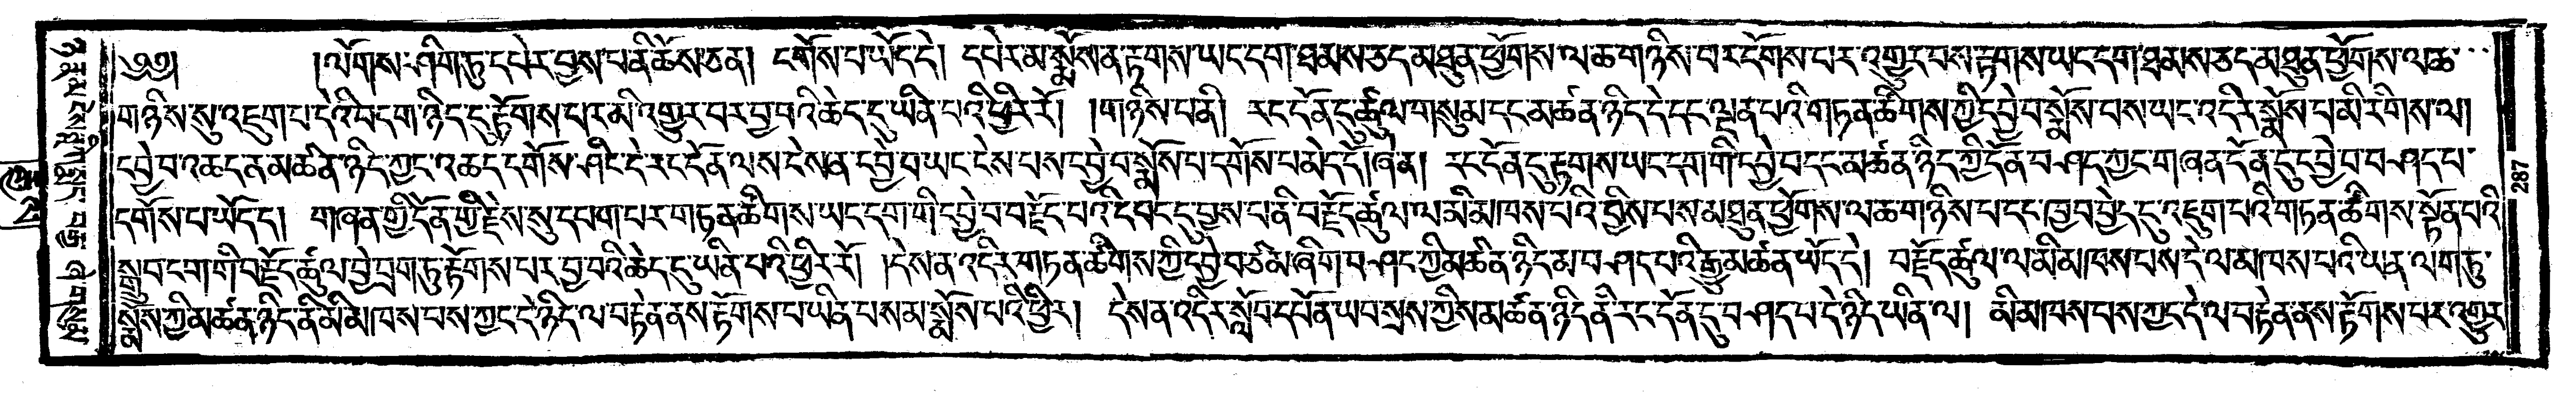༄༅། །ལོགས་ཤིག་ཏུ་དཔེར་བྱས་པ་ནི་ཆོས་ཅན། དགོས་པ་ཡོད་དེ། དཔེར་མ་སྨོས་ན་རྟགས་ཡང་དག་ཐམས་ཅད་མཐུན་ཕྱོགས་ལ་ཆ་གཉིས་པར་དོགས་པར་འགྱུར་བས་རྟགས་ཡང་དག་ཐམས་ཅད་མཐུན་ཕྱོགས་ལ་ཆ་
གཉིས་སུ་འཇུག་པ་དེའི་བདག་ཉིད་དུ་རྟོགས་པར་མི་འགྱུར་བར་བྱ་བའི་ཆེད་དུ་ཡིན་པའི་ཕྱིར་རོ། །གཉིས་པ་ནི། རང་དོན་དུ་ཚུལ་གསུམ་དང་མཚན་ཉིད་དེ་དང་ལྡན་པའི་གཏན་ཚིགས་ཀྱི་དབྱེ་བ་སྨོས་པས་ཡང་འདིར་སྨོས་པ་མི་རིགས་ལ།
དབྱེ་བ་འཆད་ན་མཚན་ཉིད་ཀྱང་འཆད་དགོས་ཤིང་དེ་རང་དོན་ལས་ངེས་ན་དབྱེ་བ་ཡང་ངེས་པས་དབྱེ་བ་སྨོས་པ་དགོས་པ་མེད་དོ། ཞེ་ན། རང་དོན་དུ་རྟགས་ཡང་དག་གི་དབྱེ་བ་དང་མཚན་ཉིད་ཀྱི་དོན་བཤད་ཀྱང་གཞན་དོན་དུ་དབྱེ་བ་བཤད་པ་
དགོས་པ་ཡོད་ད། གཞན་གྱི་དོན་གྱི་རྗེས་སུ་དཔག་པར་གཏན་ཚིགས་ཡང་དག་གི་དབྱེ་བ་བརྗོད་པའི་དབང་དུ་བྱས་པ་ནི་བརྗོད་ཚུལ་ལ་མི་མཁས་པའི་བྱིས་པས་མཐུན་ཕྱོགས་ལ་ཆ་གཉིས་པ་དང་ཁྱབ་བྱེད་དུ་འཇུག་པའི་གཏན་ཚིགས་སྟོན་པའི་
སྒྲུབ་ངག་གི་བརྗོད་ཚུལ་བྱེ་བྲག་ཏུ་རྟོགས་པར་བྱ་བའི་ཆེད་དུ་ཡིན་པའི་ཕྱིར། །དེས་ན་འདིར་གཏན་ཚིགས་ཀྱི་དབྱེ་བ་ཙམ་ཞིག་བཤད་ཀྱི་མཚན་ཉིད་མ་བཤད་པའི་རྒྱུ་མཚན་ཡོད་དེ། བརྗོད་ཚུལ་ལ་མི་མཁས་པས་དེ་ལ་མཁས་པའི་ཡན་ལག་ཏུ་
སྨོས་ཀྱི་མཚན་ཉིད་ནི་མི་མཁས་པས་ཀྱང་དེ་ཉིད་ལ་བརྟེན་ནས་རྟོགས་པ་ཡིན་པས་མ་སྨོས་པའི་ཕྱིར། དེས་ན་འདིར་སློབ་དཔོན་ཡབ་སྲས་ཀྱིས་མཚན་ཉིད་ནི་རང་དོན་དུ་བཤད་པ་དེ་ཉིད་ཡིན་ལ། མི་མཁས་པས་ཀྱང་དེ་ལ་བརྟེན་ནས་རྟོགས་པར་འགྱུར་